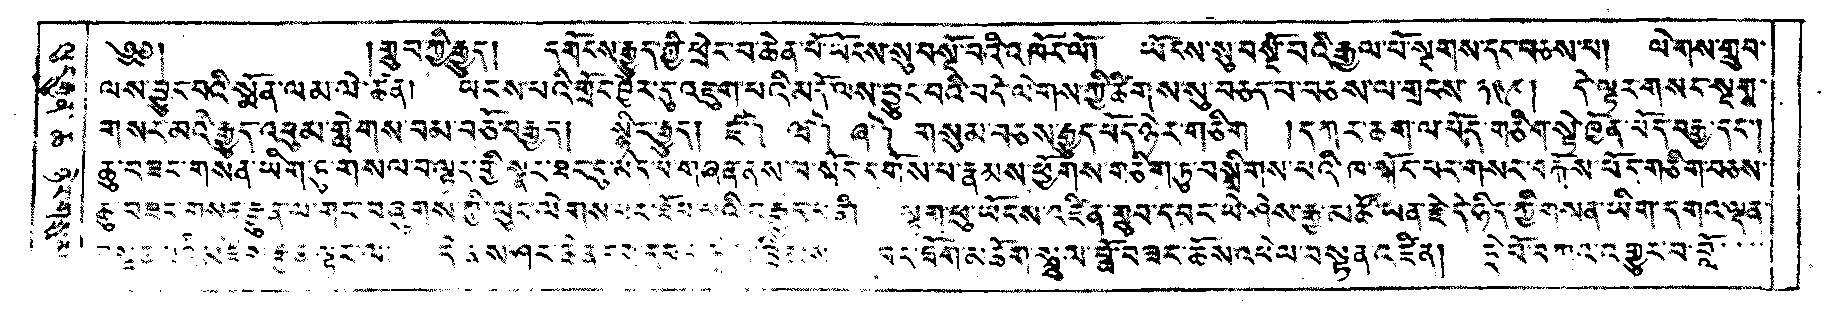༄༅། །གྲུབ་ཀྱི་རྒྱུད། དགོངས་རྒྱུད་ཀྱི་ཕྲེང་བ་ཆེན་པོ་ཡོངས་སུ་བསྔོ་བའི་འཁོར་ལོ། ཡོངས་སུ་བསྔོ་བའི་རྒྱལ་པོ་སྔགས་དང་བཅས་པ། ལེགས་གྲུབ་
ལས་བྱུང་བའི་སྨོན་ལམ་ལེ་ཚན། ཡངས་པའི་གྲོང་ཁྱེར་དུ་འཇུག་པའི་མདོ་ལས་བྱུང་བའི་བདེ་ལེགས་ཀྱི་ཚིགས་སུ་བཅད་པ་བཅས་ལ་གྲངས ༢༤༩། དེ་ལྟར་གསང་སྔགས་
གསར་མའི་རྒྱུད་འབུམ་གླེགས་བམ་བཅོ་བརྒྱད། སྙིང་རྒྱུད། ཛ}་ཝ}་ཞ}་གསུམ་བཅས་རྒྱུད་པོད་ཉེར་གཅིག །དཀར་ཆག་ལ་པོད་གཅིག་སྟེ་ཁྱོན་པོད་བརྒྱ་དང་།
ཆུ་བཟང་གསན་ཡིག་ཏུ་གསལ་བ་ལྟར་གྱི་སྣར་ཐང་དུ་མེད་པ་གཞན་ནས་ཁ་སྐོང་དགོས་པ་རྣམས་ཕྱོགས་གཅིག་ཏུ་བསྒྲིགས་པའི་ཁ་སྐོང་པར་གསར་བརྐོས་པོད་གཅིག་བཅས་
ཆུ་བཟང་གསན་རྒྱུན་ལ་གང་བཞུགས་ཀྱི་ལུང་ལེགས་པར་ཐོབ་པའི་བརྒྱུད་པ་ནི། སྟག་ཕུ་ཡོངས་འཛིན་གྲུབ་དབང་ཡེ་ཤེས་རྒྱ་མཚོ་ཡན་རྗེ་དེ་ཉིད་ཀྱི་གསན་ཡིག་དགའ་ལྡན་
བསྟན་པའི་མཛེས་རྒྱན་ལྟར། དེ་ནས་ཤར་ཆེན་ངག་དབང་ཚུལ་ཁྲིམས། བར་ཐོག་མཆོག་སྤྲུལ་བློ་བཟང་ཆོས་འཕེལ་བསྟན་འཛིན། ཏྲེ་བོ་བཀའ་གྱུར་བ་བློ་